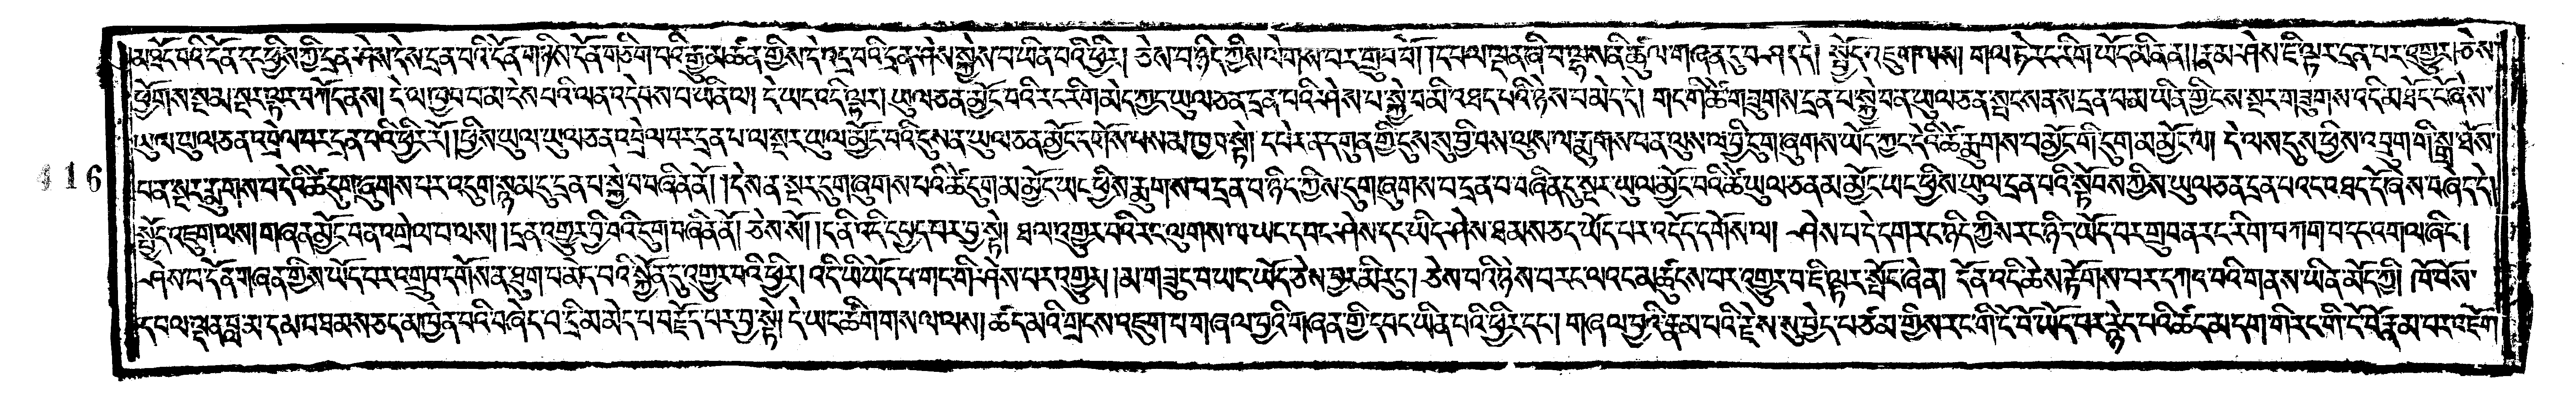མཐོང་བའི་དོན་དང་ཕྱིས་ཀྱི་དྲན་ཤེས་དེས་དྲན་པའི་དོན་གཉིས་དོན་གཅིག་བའི་རྒྱུ་མཚན་གྱིས་དེ་འདྲ་བའི་དྲན་ཤེས་སྐྱེས་པ་ཡིན་པའི་ཕྱིར། ཅེས་པ་ཉིད་ཀྱིས་ལེགས་བར་གྲུབ་བོ། །དཔལ་ལྡན་ཞི་བ་ལྷས་ནི་ཚུལ་གཞན་དུ་བཤད་དེ། སྤྱོད་འདུག་ལས། གལ་ཏེ་རང་རིག་ཡོད་མིན་ན། །རྣམ་ཤེས་ཇི་ལྟར་ངན་པར་འགྱུར། ཅེས་
ཕྱོགས་སྔ་མ་སྔར་ལྟར་བཀོད་ནས། དེ་ལ་ཁྱབ་བ་མ་ངེས་པའི་ལན་འདེབས་པ་ཡིན་ལ། དེ་ཡང་འདི་ལྟར། ཡུལ་ཅན་མྱོང་བའི་རང་རིག་མེད་ཀྱང་ཡུལ་ཅན་དྲན་པའི་ཤེས་བ་སྐྱེ་བ་མི་འཐད་པའི་ཉེས་པ་མེད་དེ། གང་གི་ཚེ་གཟུགས་དྲན་པ་སྐྱེ་བ་ན་ཡུལ་ཅན་སྤངས་ནས་དྲན་པ་མ་ཡིན་གྱི་ངས་སྔར་གཟུགས་འདི་མཐོང་པོ་ཞེས་
ཡུལ་ཡུལ་ཅན་འབྲེལ་བར་དྲན་བའི་ཕྱིར་རོ། །ཕྱིས་ཡུལ་ཡུལ་ཅན་འབྲེལ་བར་དྲན་པ་ལ་སྔར་ཡུལ་མྱོང་བའི་དུས་ན་ཡུལ་ཅན་མྱོང་དགོས་པས་མ་ཁྱབ་སྟེ། དཔེར་ན་དགུན་གྱི་དུས་སུ་བྱི་བས་ལུས་ལ་རྨུགས་པ་ན་ལུས་ལ་བྱི་དུག་ཞུགས་ཡོད་ཀྱང་དེའི་ཚེ་རྨུགས་བ་མྱོང་གི་དུག་མ་མྱོང་བ། དེ་ལས་དུས་ཕྱིས་འབྲུག་གི་སྒྲ་ཐོས་
བ་ན་སྔར་རྨུགས་པ་དེའི་ཚེ་དུག་ཞུགས་པར་འདུག་སྙམ་དུ་དྲན་པ་སྐྱེ་བ་བཞིན་ནོ། །དེས་ན་སྔར་དུག་ཞུགས་པའི་ཚེ་དུག་མ་མྱོང་ཡང་ཕྱིས་རྨུགས་པ་དྲན་པ་ཉིད་ཀྱིས་དུག་ཞུགས་བ་དྲན་པ་བཞིན་དུ་སྔར་ཡུལ་མྱོང་བའི་ཚེ་ཡུལ་ཅན་མ་མྱོང་ཡང་ཕྱིས་ཡུལ་དྲན་བའི་སྟོབས་ཀྱིས་ཡུལ་ཅན་དྲན་བའང་འཐད་དོ་ཞེས་བཞེད་དེ།
སྤྱོད་འཇུག་ལས། གཞན་མྱོང་བ་ན་འགྲེལ་བ་ལས། །དྲན་འགྱུར་བྱི་བའི་དུག་བཞིན་ནོ། ཅེས་སོ། །ད་ནི་འདི་དཔྱད་པར་བྱ་སྟེ། ཐལ་འགྱུར་བའི་རང་ལུགས་ལ་ཡང་དབང་ཤེས་དང་ཡིད་ཤེས་ཐམས་ཅད་ཡོད་པར་འདོད་དགོས་ལ། ཤེས་པ་དེ་དག་རང་ཉིད་ཀྱིས་རང་ཉིད་ཡོད་པར་གྲུབ་ན་རང་རིག་བཀག་པ་དང་འགལ་ཞིང་།
ཤེས་བ་དོན་གཞན་གྱིས་ཡོད་པར་འགྲུབ་དགོས་ན་ཐུག་པ་མེད་བའི་སྐྱོན་དུ་འགྱུར་བའི་ཕྱིར། འདི་ཡི་ཡོད་པ་གང་གི་ཤེས་པར་འགྱུར། །མ་གཟུང་བ་ཡང་ཡོད་ཅེས་བྱར་མི་རུང་། ཅེས་བའི་ཉེས་པ་རང་ལའང་མཚུངས་པར་འགྱུར་བ་ཇི་ལྟར་སྤོང་ཞེ་ན། དོན་འདི་ཆེས་རྟོགས་པར་དཀའ་བའི་གནས་ཡིན་མོད་ཀྱི། ཁོ་བོས་
དཔལ་ལྡན་བླ་མ་དམ་པ་ཐམས་ཅད་མཁྱེན་བའི་བཞེད་པ་དྲི་མ་མེད་པ་བརྗོད་པར་བྱ་སྟེ། དེ་ཡང་ཚིག་གསལ་ལས། ཚད་མའི་གྲངས་འཇུག་བ་གཞལ་བྱའི་གཞན་གྱི་དབང་ཡིན་པའི་ཕྱིར་དང་། གཞལ་བྱའི་རྣམ་པའི་རྗེས་སུ་བྱེད་པ་ཙམ་གྱིས་རང་གི་ངོ་བོ་ཡོད་པར་རྙེད་པའི་ཚད་མ་དག་གི་རང་གི་ངོ་བོ་རྣམ་པར་འཇོག་